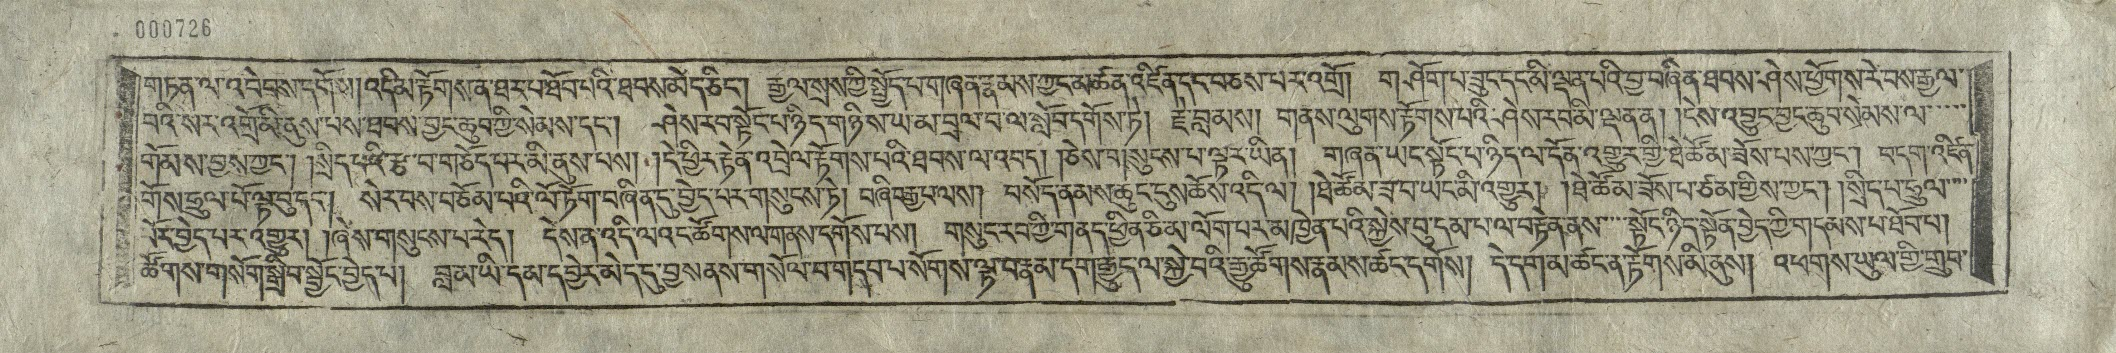གཏན་ལ་འབེབས་དགོས། འདི་མ་རྟོགས་ན་ཐར་པ་ཐོབ་པའི་ཐབས་མེད་ཅིང་། རྒྱལ་སྲས་ཀྱི་སྤྱོད་པ་གཞན་རྣམས་ཀྱང་མཚན་འཛིན་དང་བཅས་པར་འགྲོ། གཤོག་པ་ཟུང་དང་མི་ལྡན་པའི་བྱ་བཞིན་ཐབས་ཤེས་ཕྱོགས་རེ་བས་རྒྱལ་
བའི་སར་འགྲོ་མི་ནུས་པས་ཐབས་བྱང་ཆུབ་ཀྱི་སེམས་དང་། ཤེས་རབ་སྟོང་པ་ཉིད་གཉིས་ཡ་མ་བྲལ་བ་ལ་སློབ་དགོས་ཏེ། རྗེ་བླ་མས། གནས་ལུགས་རྟོགས་པའི་ཤེས་རབ་མི་ལྡན་ན། །ངེས་འབྱུང་བྱང་ཆུབ་སེམས་ལ་
གོམས་བྱས་ཀྱང་། །སྲིད་པའི་རྩ་བ་གཅོད་པར་མི་ནུས་པས། །དེ་ཕྱིར་རྟེན་འབྲེལ་རྟོགས་པའི་ཐབས་ལ་འབད། །ཅེས་གསུངས་པ་ལྟར་ཡིན། གཞན་ཡང་སྟོང་པ་ཉིད་ལ་དོན་འགྱུར་གྱི་ཐེ་ཚོམ་ཟོས་པས་ཀྱང་། བདག་འཛིན་
གོས་ཧྲུལ་པོ་ལྟ་བུ་དང་། སེར་བས་བཅོམ་པའི་ལོ་ཏོག་བཞིན་དུ་བྱེད་པར་གསུངས་ཏེ། བཞི་བརྒྱ་པ་ལས། བསོད་ནམས་ཆུང་དུས་ཆོས་འདི་ལ། །ཐེ་ཚོམ་ཟ་བ་ཡང་མི་འགྱུར། །ཐེ་ཚོམ་ཟོས་པ་ཙམ་གྱིས་ཀྱང་། །སྲིད་པ་ཧྲུལ་
པོར་བྱེད་པར་འགྱུར། །ཞེས་གསུངས་པ་རེད། དེས་ན་འདི་ལའང་ཚོགས་ལ་གནས་དགོས་པས། གསུང་རབ་ཀྱི་གནད་ཕྱིན་ཅི་མ་ལོག་པར་མཁྱེན་པའི་སྐྱེས་བུ་དམ་པ་ལ་བརྟེན་ནས་སྟོང་ཉིད་སྟོན་བྱེད་ཀྱི་གདམས་པ་ཐོབ་པ།
ཚོགས་གསོག་སྒྲིབ་སྦྱོང་བྱེད་པ། བླ་མ་ཡི་དམ་དབྱེར་མེད་དུ་བྱས་ནས་གསོལ་བ་གདབ་པ་སོགས་ལྟ་བ་རྣམ་དག་རྒྱུད་ལ་སྐྱེ་བའི་རྒྱུ་ཚོགས་རྣམས་ཚང་དགོས། དེ་དག་མ་ཚང་ན་རྟོགས་མི་ནུས། འཕགས་ཡུལ་གྱི་གྲུབ་